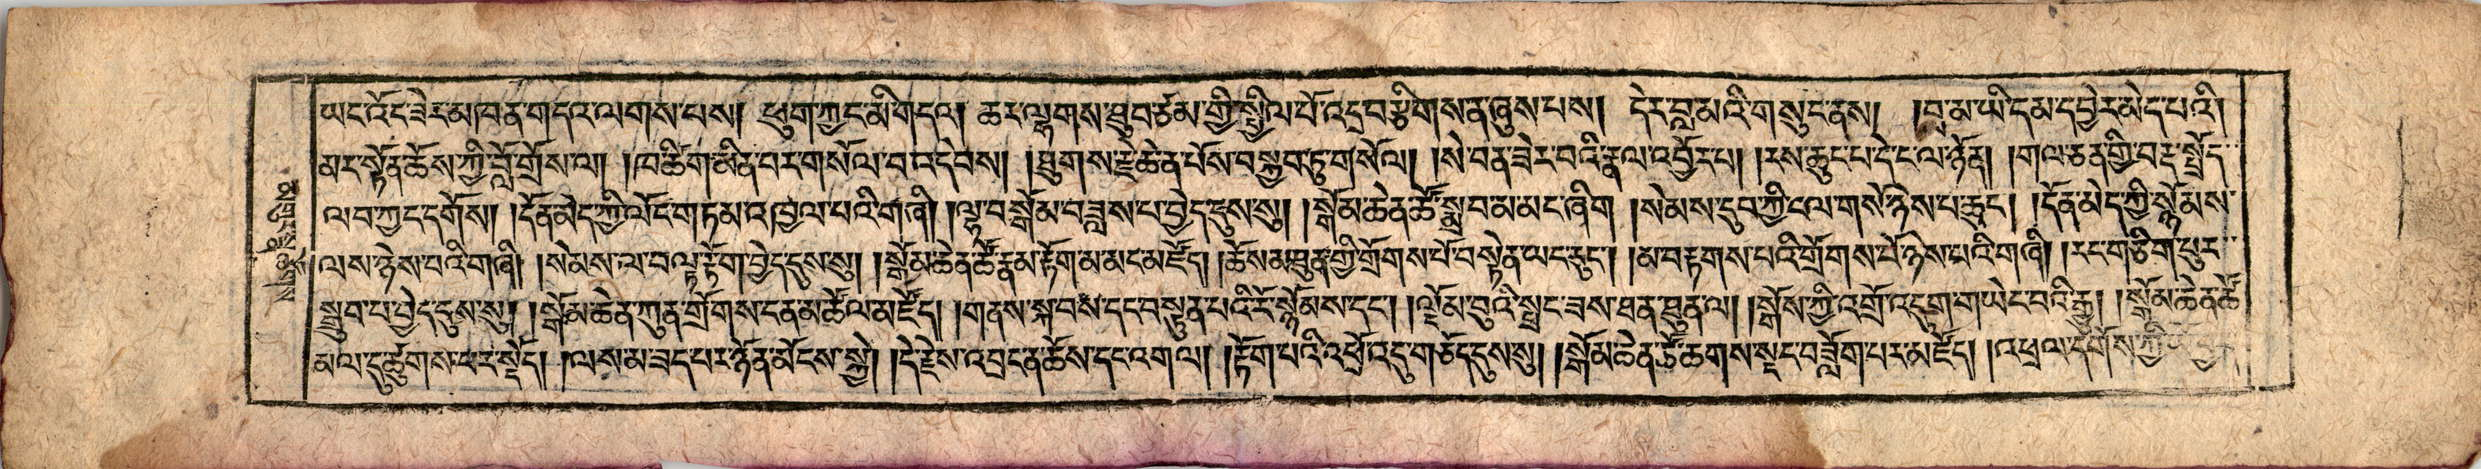ཡང་འོང་ཟེར་མཁན་གདའ་ལགས་པས། ཕུག་ཀྱང་མི་གདའ། ཆར་ལྷགས་ཐུབ་ཙམ་གྱི་སྤྱིལ་པོ་འདྲ་བརྩིགས་ན་ཞུས་པས། དེར་བླ་མའི་གསུང་ནས། །བླ་མ་ཡི་དམ་དབྱེར་མེད་པའི། །
མར་སྟོན་ཆོས་ཀྱི་བློ་གྲོས་ལ། །ཁ་ཚིག་མིན་བར་གསོལ་བ་འདེབས། །ཐུགས་རྗེ་ཆེན་པོས་བསྐྱབ་ཏུ་གསོལ། །སེ་བན་ཟེར་བའི་རྣལ་འབྱོར་པ། །རས་ཆུང་པ་དེ་ང་ལ་ཉོན། །གལ་ཅན་གྱི་བརྡ་སྤྲོད་
ལབ་ཀྱང་དགོས། །དོན་མེད་ཀྱི་ལོང་གཏམ་འཁྱལ་པའི་གཞི། །ལྷ་བསྒོམ་བཟླས་པ་བྱེད་དུས་སུ། །སྒོམ་ཆེན་ཚོ་སྨྲ་བ་མ་མང་ཞིག །སེམས་དུབ་ཀྱི་ངལ་གསོ་ཉེས་པ་ཆུང་། །དོན་མེད་ཀྱི་སྙོམས་
ལས་ཉེས་པའི་གཞི། །སེམས་ལ་བལྟ་རྟོག་བྱེད་དུས་སུ། །སྒོམ་ཆེན་ཚོ་རྣམ་རྟོག་མ་མང་མཛོད། །ཆོས་མཐུན་གྱི་གྲོགས་པོ་བསྟེན་ཡང་རུང་། །མ་བརྟགས་པའི་གྲོགས་པོ་ཉེས་པའི་གཞི། །རང་གཅིག་པུར་
སྒྲུབ་པ་བྱེད་དུས་སུ། །སྒོམ་ཆེན་ཀུན་གྲོགས་ངན་མ་ཚོལ་མཛོད། །གནས་སྐབས་དང་བསྟུན་པའི་རོ་སྙོམས་དང་། །ལྡོམ་བུའི་སྤྲང་ཟས་ཐན་ཐུན་ལ། །སྒོས་ཀྱི་འགྲོ་འདུག་གཡེང་བའི་རྒྱུ། །སྒོམ་ཆེན་ཚོ་
མལ་དུ་ཚུགས་པར་སྡོད། །ལས་མ་ཟད་པར་ཉོན་མོངས་སྐྱེ། །དེ་རྗེས་འབྲང་ན་ཆོས་དང་འགལ། །རྟོག་པའི་འཕྲོ་འདུ་གཅོད་དུས་སུ། །སྒོམ་ཆེན་ཚོ་ཆགས་སྡང་བཟློག་པར་མཛོད། །འཕྲལ་དགོས་ཀྱི་ཡོ་བྱད་